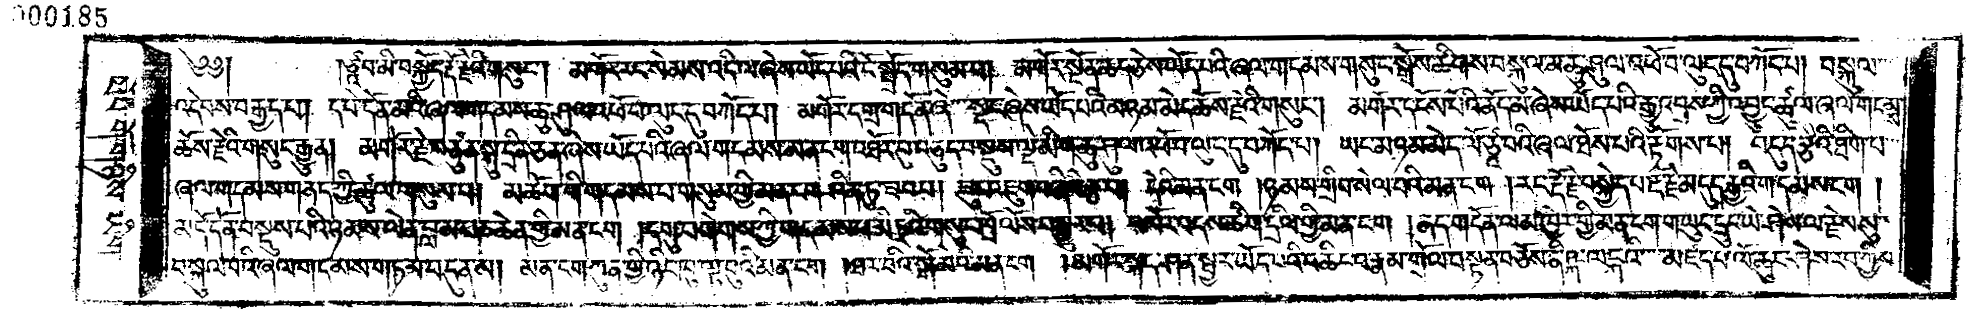༄༅། །ཙཱ་བ་མི་བསྐྱོད་རྡོ་རྗེའི་གསུང་། མགོར་རང་སེམས་འདི་ལ་ཞེས་ཡོད་པའི་ངོ་སྤྲོད་གསུམ་པ། མགོར་སྔོན་ཆད་ཅེས་ཡོད་པའི་ཞལ་གདམས་གསུང་སྒྲོས་ཚིགས་བསྐུལ་མ་ཆུ་ཤུལ་འཕོ་བ་ལུང་དུ་བཀོད་པ། བསྐུལ་
འདེབས་བརྒྱད་པ། དཔེ་དོན་མའི་ཞལ་གདམས་ཆུ་ཤུལ་འཕོ་བ་ལུང་དུ་བཀོད་པ། མགོར་དགྲ་གདོན་ཞེ་སྡང་ཞེས་ཡོད་པའི་མཉམ་མེད་ཆོས་རྗེའི་གསུང་། མགོར་དངོས་པོའི་ནོད་མ་ཞེས་ཡོད་པའི་རྒྱུ་འབྲས་ཀྱི་འབྱུང་ཚུལ་ཞལ་གདམས་
ཆོས་རྗེའི་གསུང་རྒྱུན། མགོར་རྗེ་བཙུན་སྐུ་དྲིན་ཅན་ཞེས་ཡོད་པའི་ཞལ་གདམས་མན་ངག་འཐོར་བུ་བཅུད་བསྡུས་ལྡེ་མིག་ཆུ་ཤུལ་འཕོ་བ་ལུང་དུ་བཀོད་པ། ཡང་མཉམ་མེད་ལོ་ཙཱ་བའི་ཞལ་ཐོས་པའི་རྟོགས་པ། བདུད་རྩིའི་ཐིག་པ་
ཞལ་གདམས་གནད་ཀྱི་ཚུལ་གསུམ་པ། མཆོག་གི་གདམས་པ་གསུམ་གྱི་མན་ངག་ཤིན་ཏུ་ཟབ་པ། ཟུང་འཇུག་བཞིའི་རྩ་བ། དེའི་མན་ངག །ཉམས་གྲིབ་སེལ་བའི་མན་ངག །རང་རྡོ་རྗེ་བསྐྱེད་པ་རྡོ་རྗེ་མདུད་རྒྱའི་གདམས་ངག །
མདོ་དོན་བསྡུས་པའི་ཉམས་ལེན་བླ་མ་པཎ་ཆེན་གྱི་མན་ངག །དགུ་བགེགས་ཀྱི་གདམས་པ་མི་ཏྲའི་གསུང་ཁྲོ་ལོས་བསྒྱུར་བ། འཁོར་འདས་ཚིག་དྲིལ་གྱི་མན་ངག །ནད་གདོན་ལམ་ཁྱེར་གྱི་མན་ངག་གཡུང་དྲུང་ཡེ་ཤེས་ལ་རྗེས་སུ་
བསྐུལ་བའི་ཞལ་གདམས་གཏམ་བདུན་མ། མན་ངག་ཀུན་གྱི་ཉིང་ཁུ་ལྟ་བུའི་མན་ངག །ཐར་པའི་སྒོ་མེའི་མན་ངག །མགོར་སྐད་ཤན་སྦྱར་ཡོད་པའི་འཆིང་བ་རྣམ་གྲོལ་བསྟན་བཅོས་ནི་ཥྐ་ལངྐའི་མཛད་པ་ལོ་ཆུང་ཤེས་རབ་ཀྱིས་